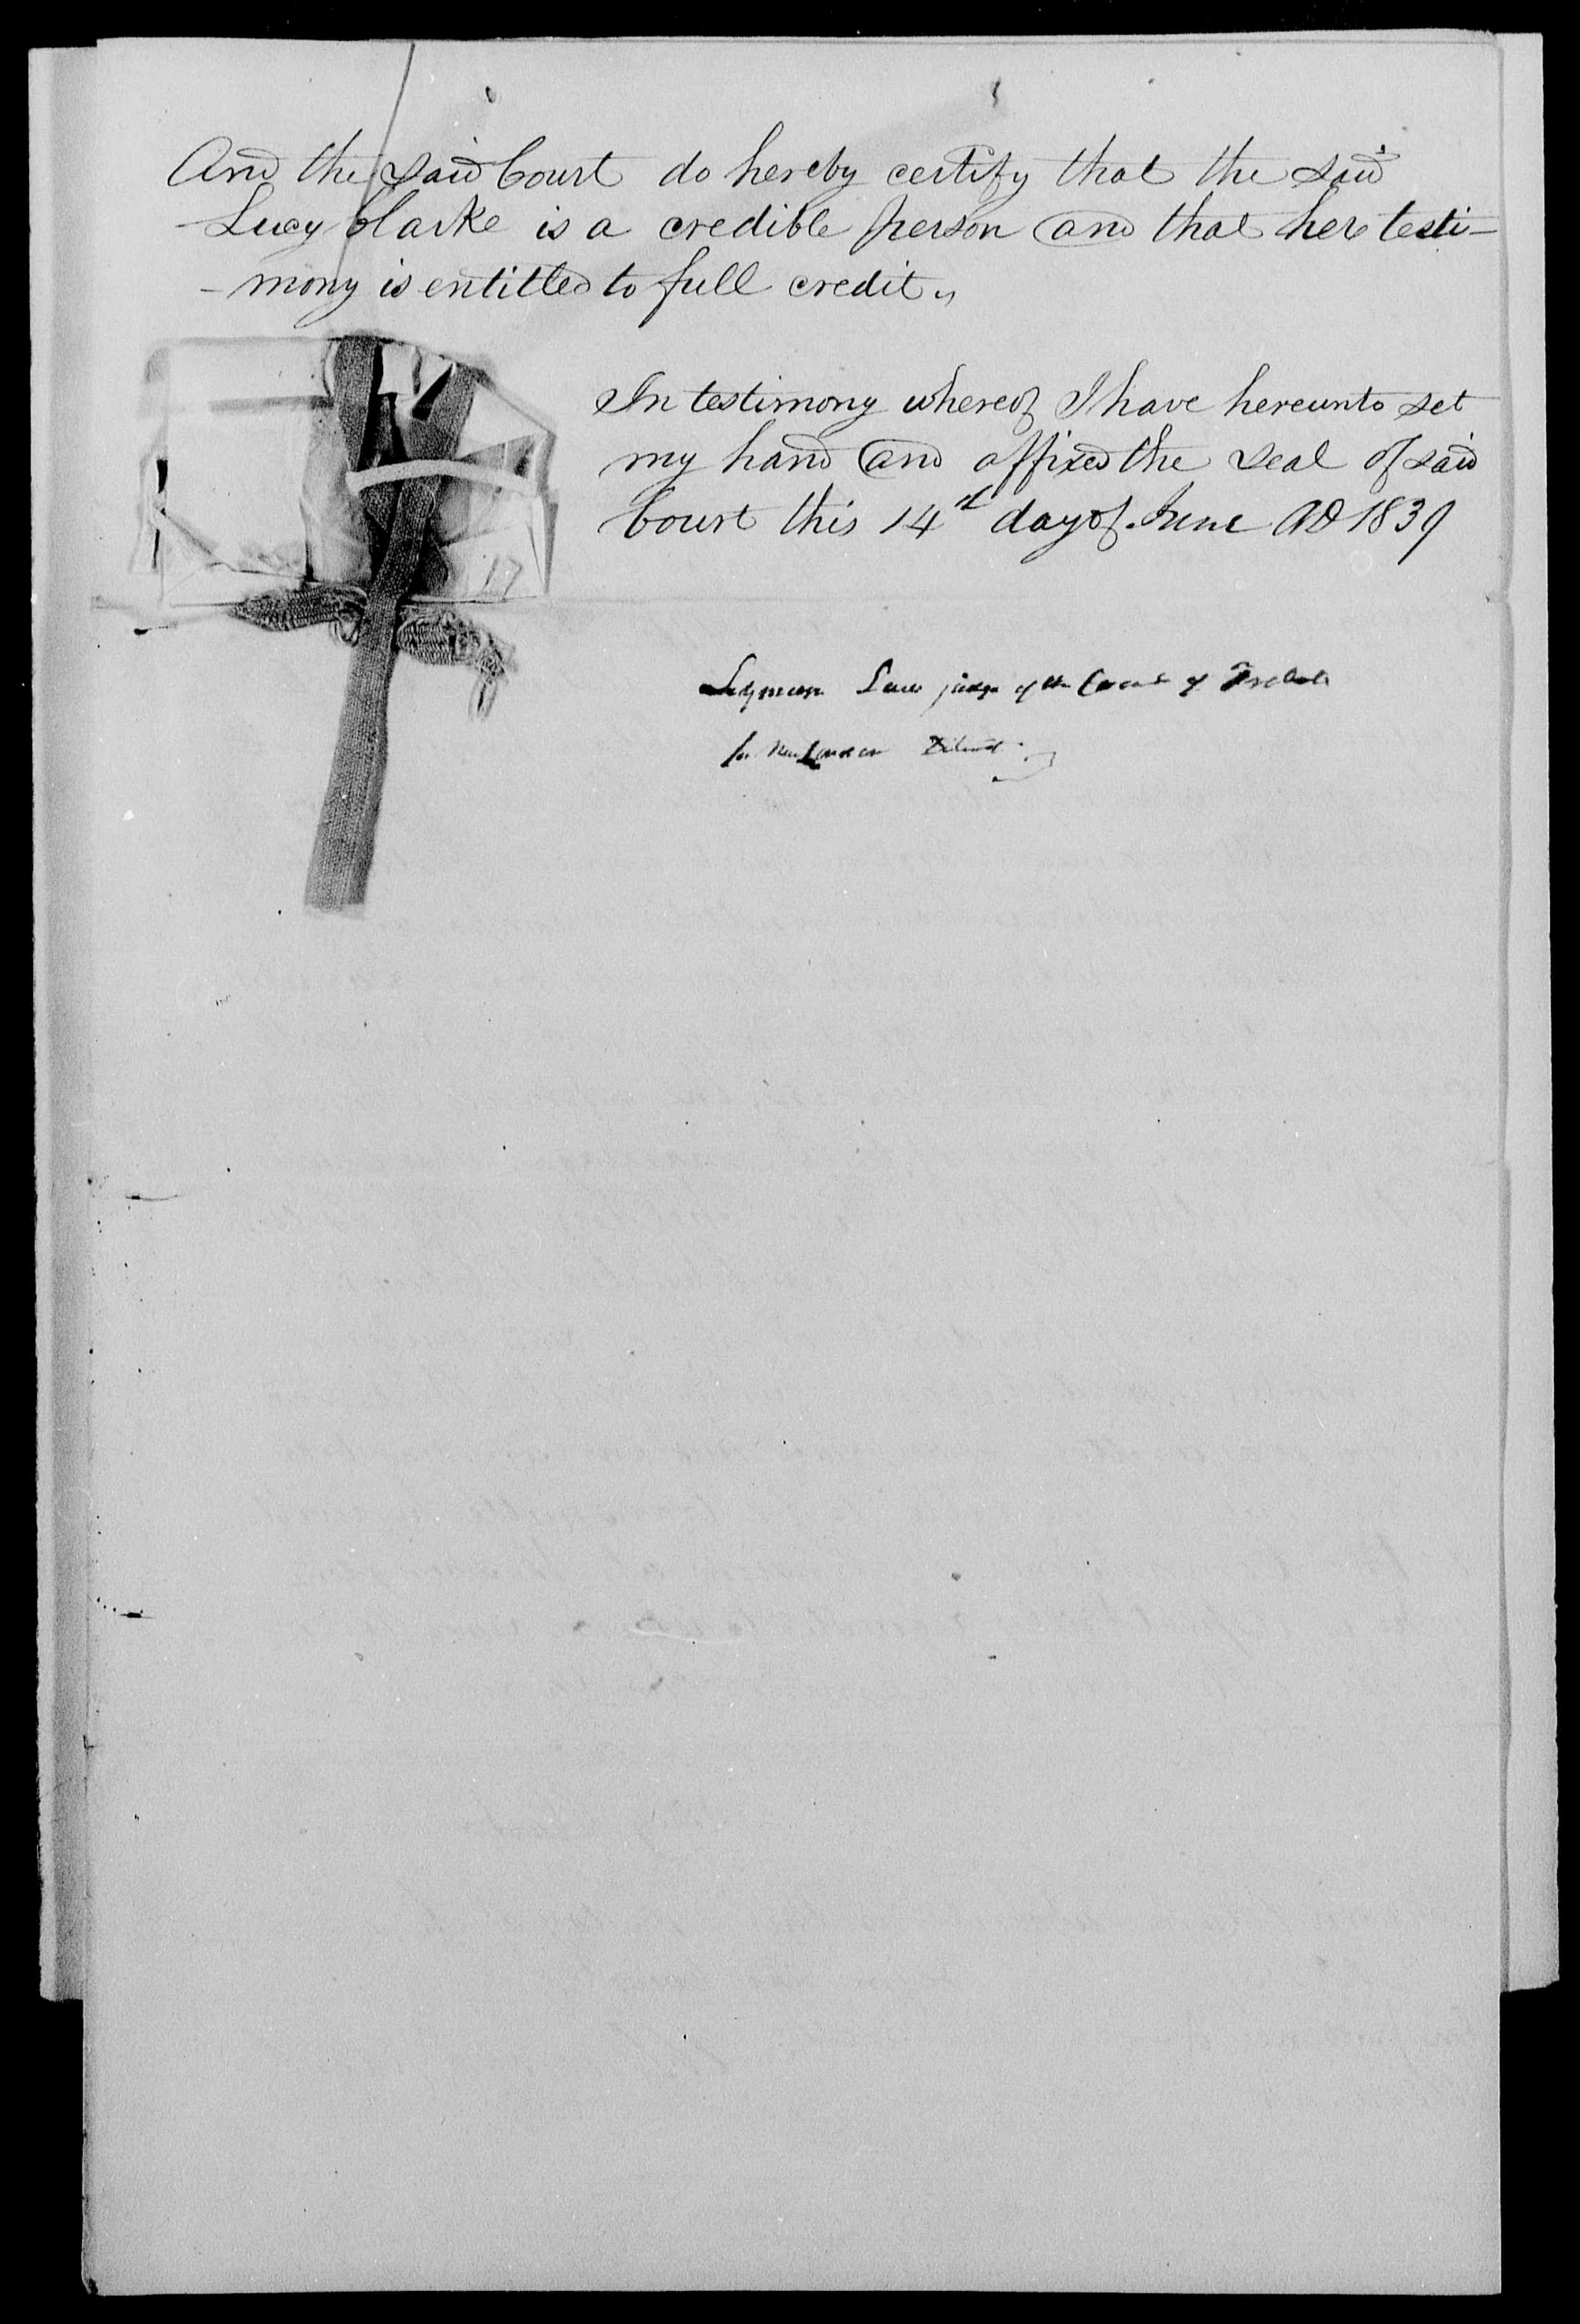And the said Court do hereby certify that the said Lucy Clarke is a credible person and that her testimony is entitled to full credit.
In testimony whereof I have hereunto set my hand and affixed the seal of said Court this 14th day of June AD 1839.

Lyman Law judges of the Court of [illegible] for New London District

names: Lyman Law, Lucy Clarke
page: 9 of 48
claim: widow's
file: W. 17,628, Arnold Clarke, R.I.